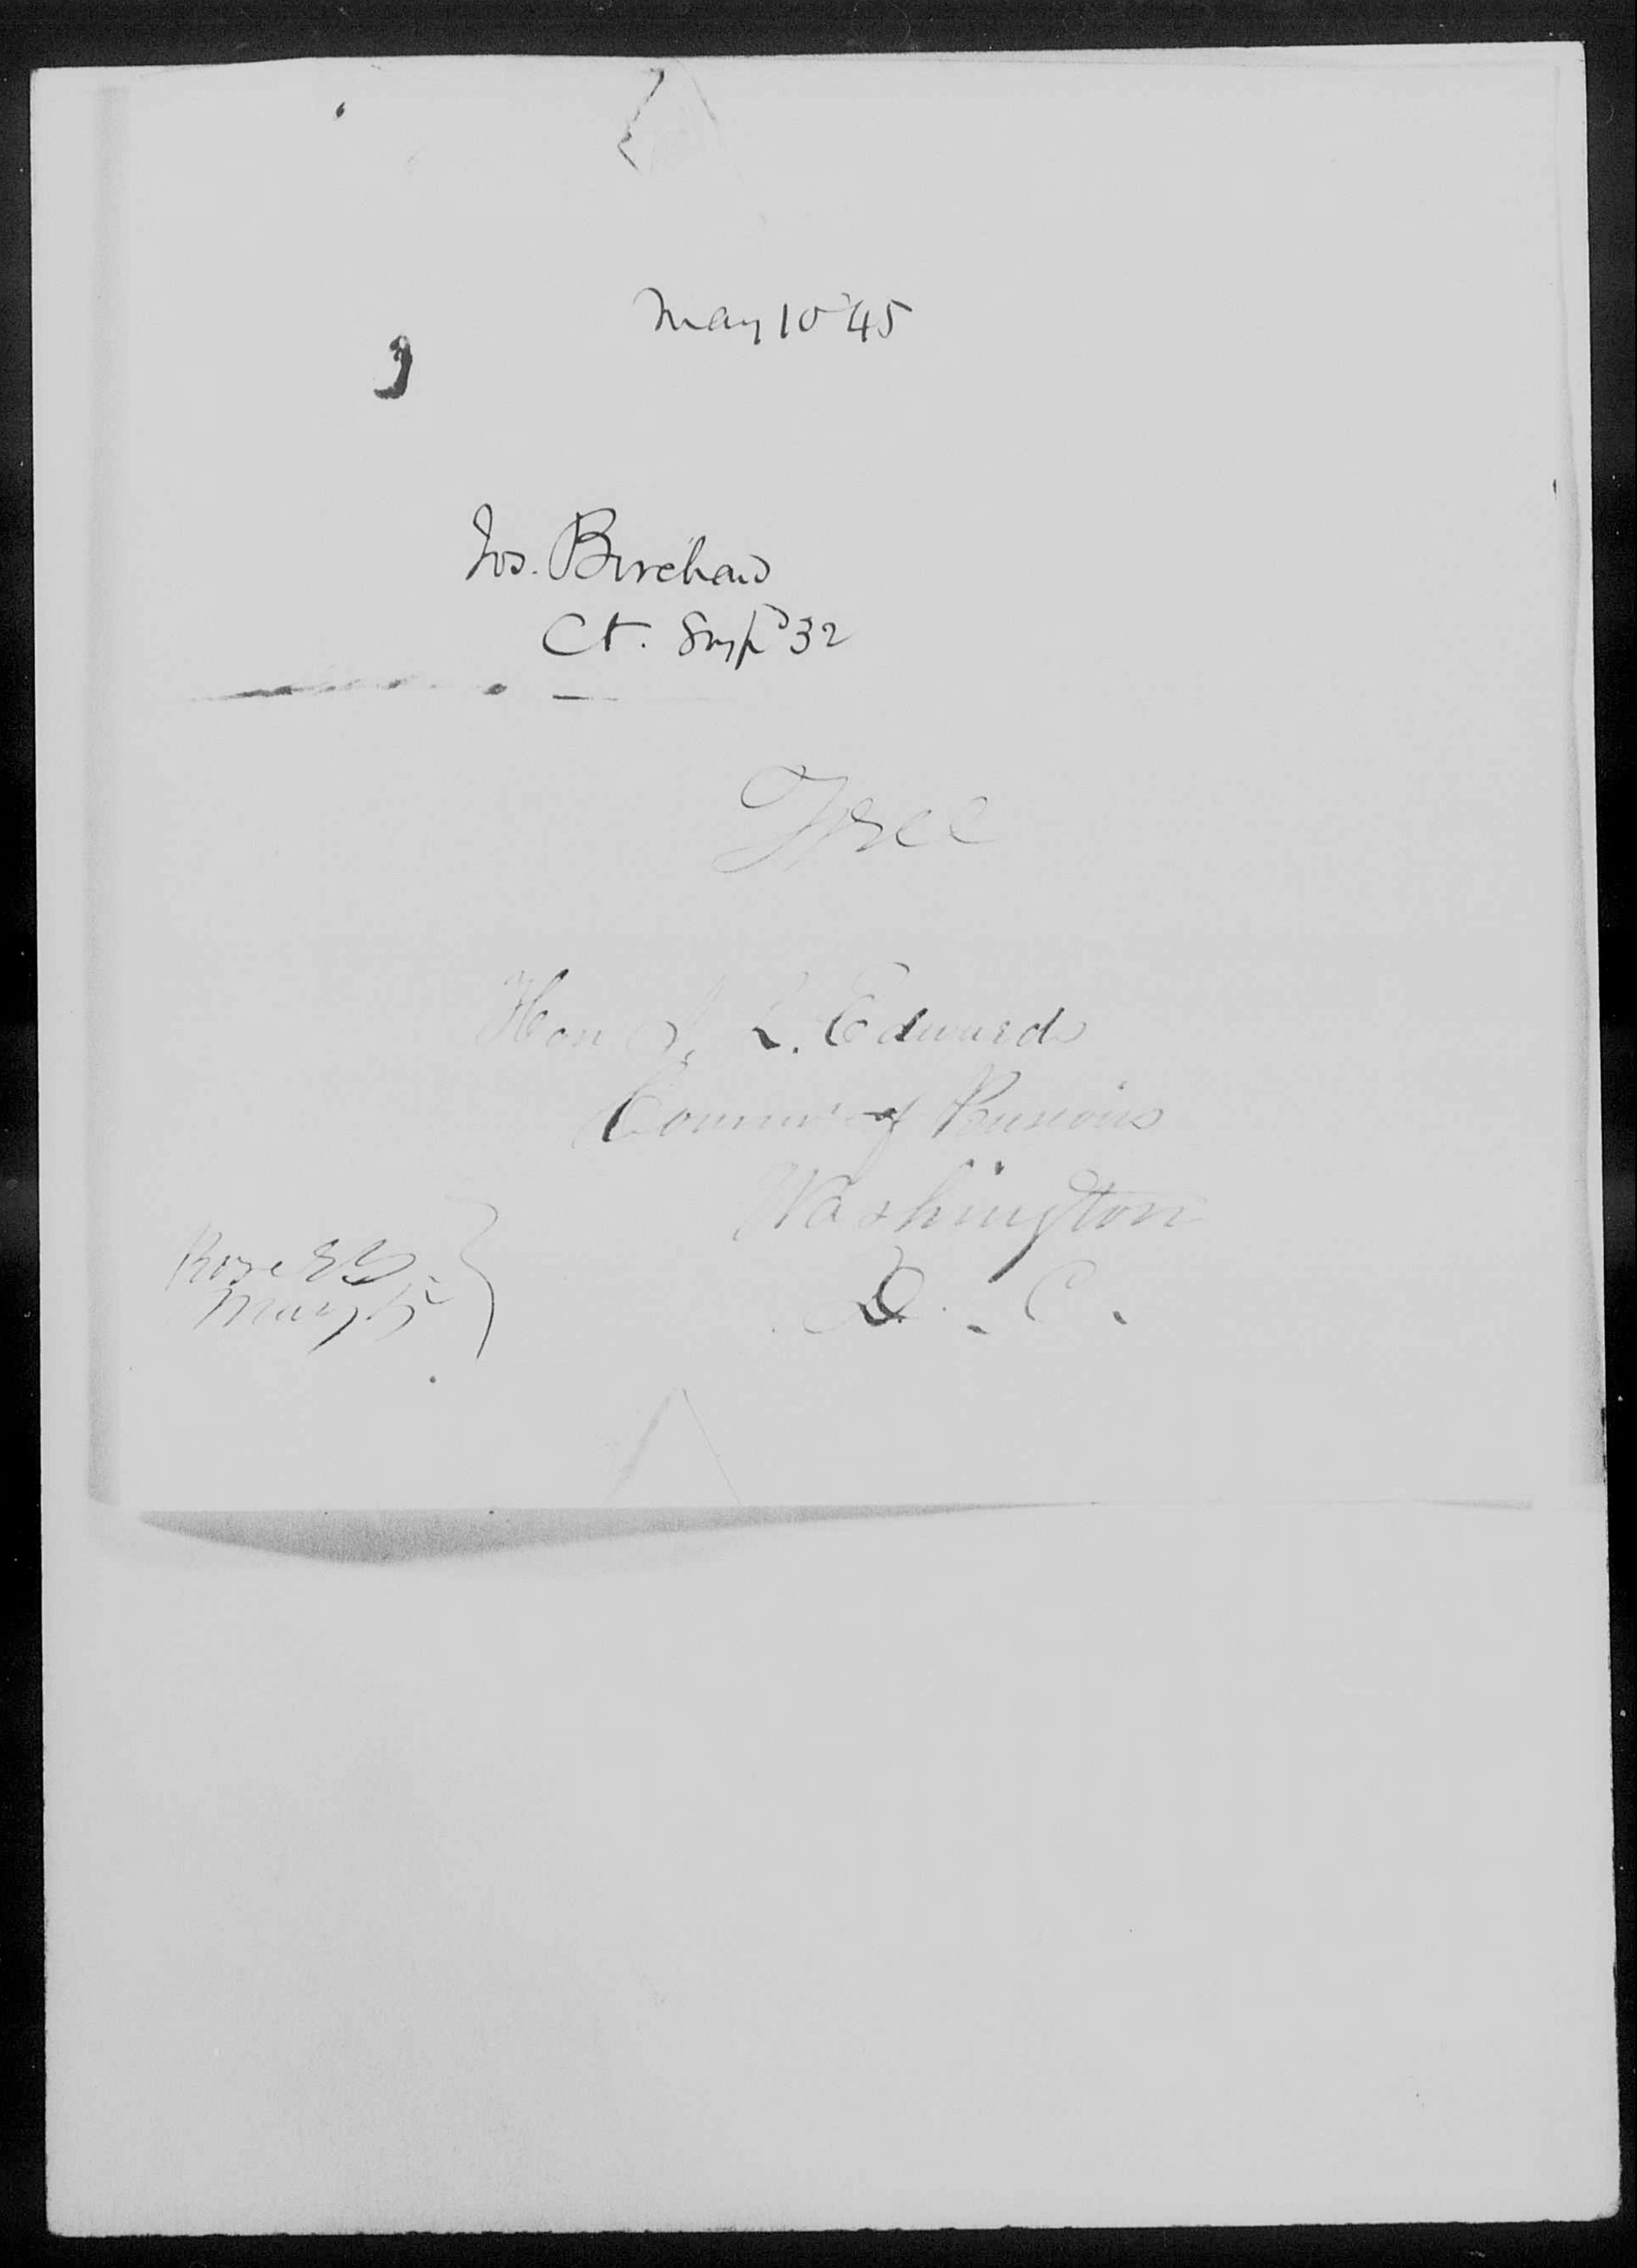May 1845

Jos. Birchard
Ct.  Supp '32

Free

Hon. J.L. Edwards Commissioner of Pensions
Washington D.C.

Rose, NY 
May 5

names: Jos Birchard, J L Edwards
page: 14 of 18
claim: rejected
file: R. 844, Joseph Birchard, Conn.